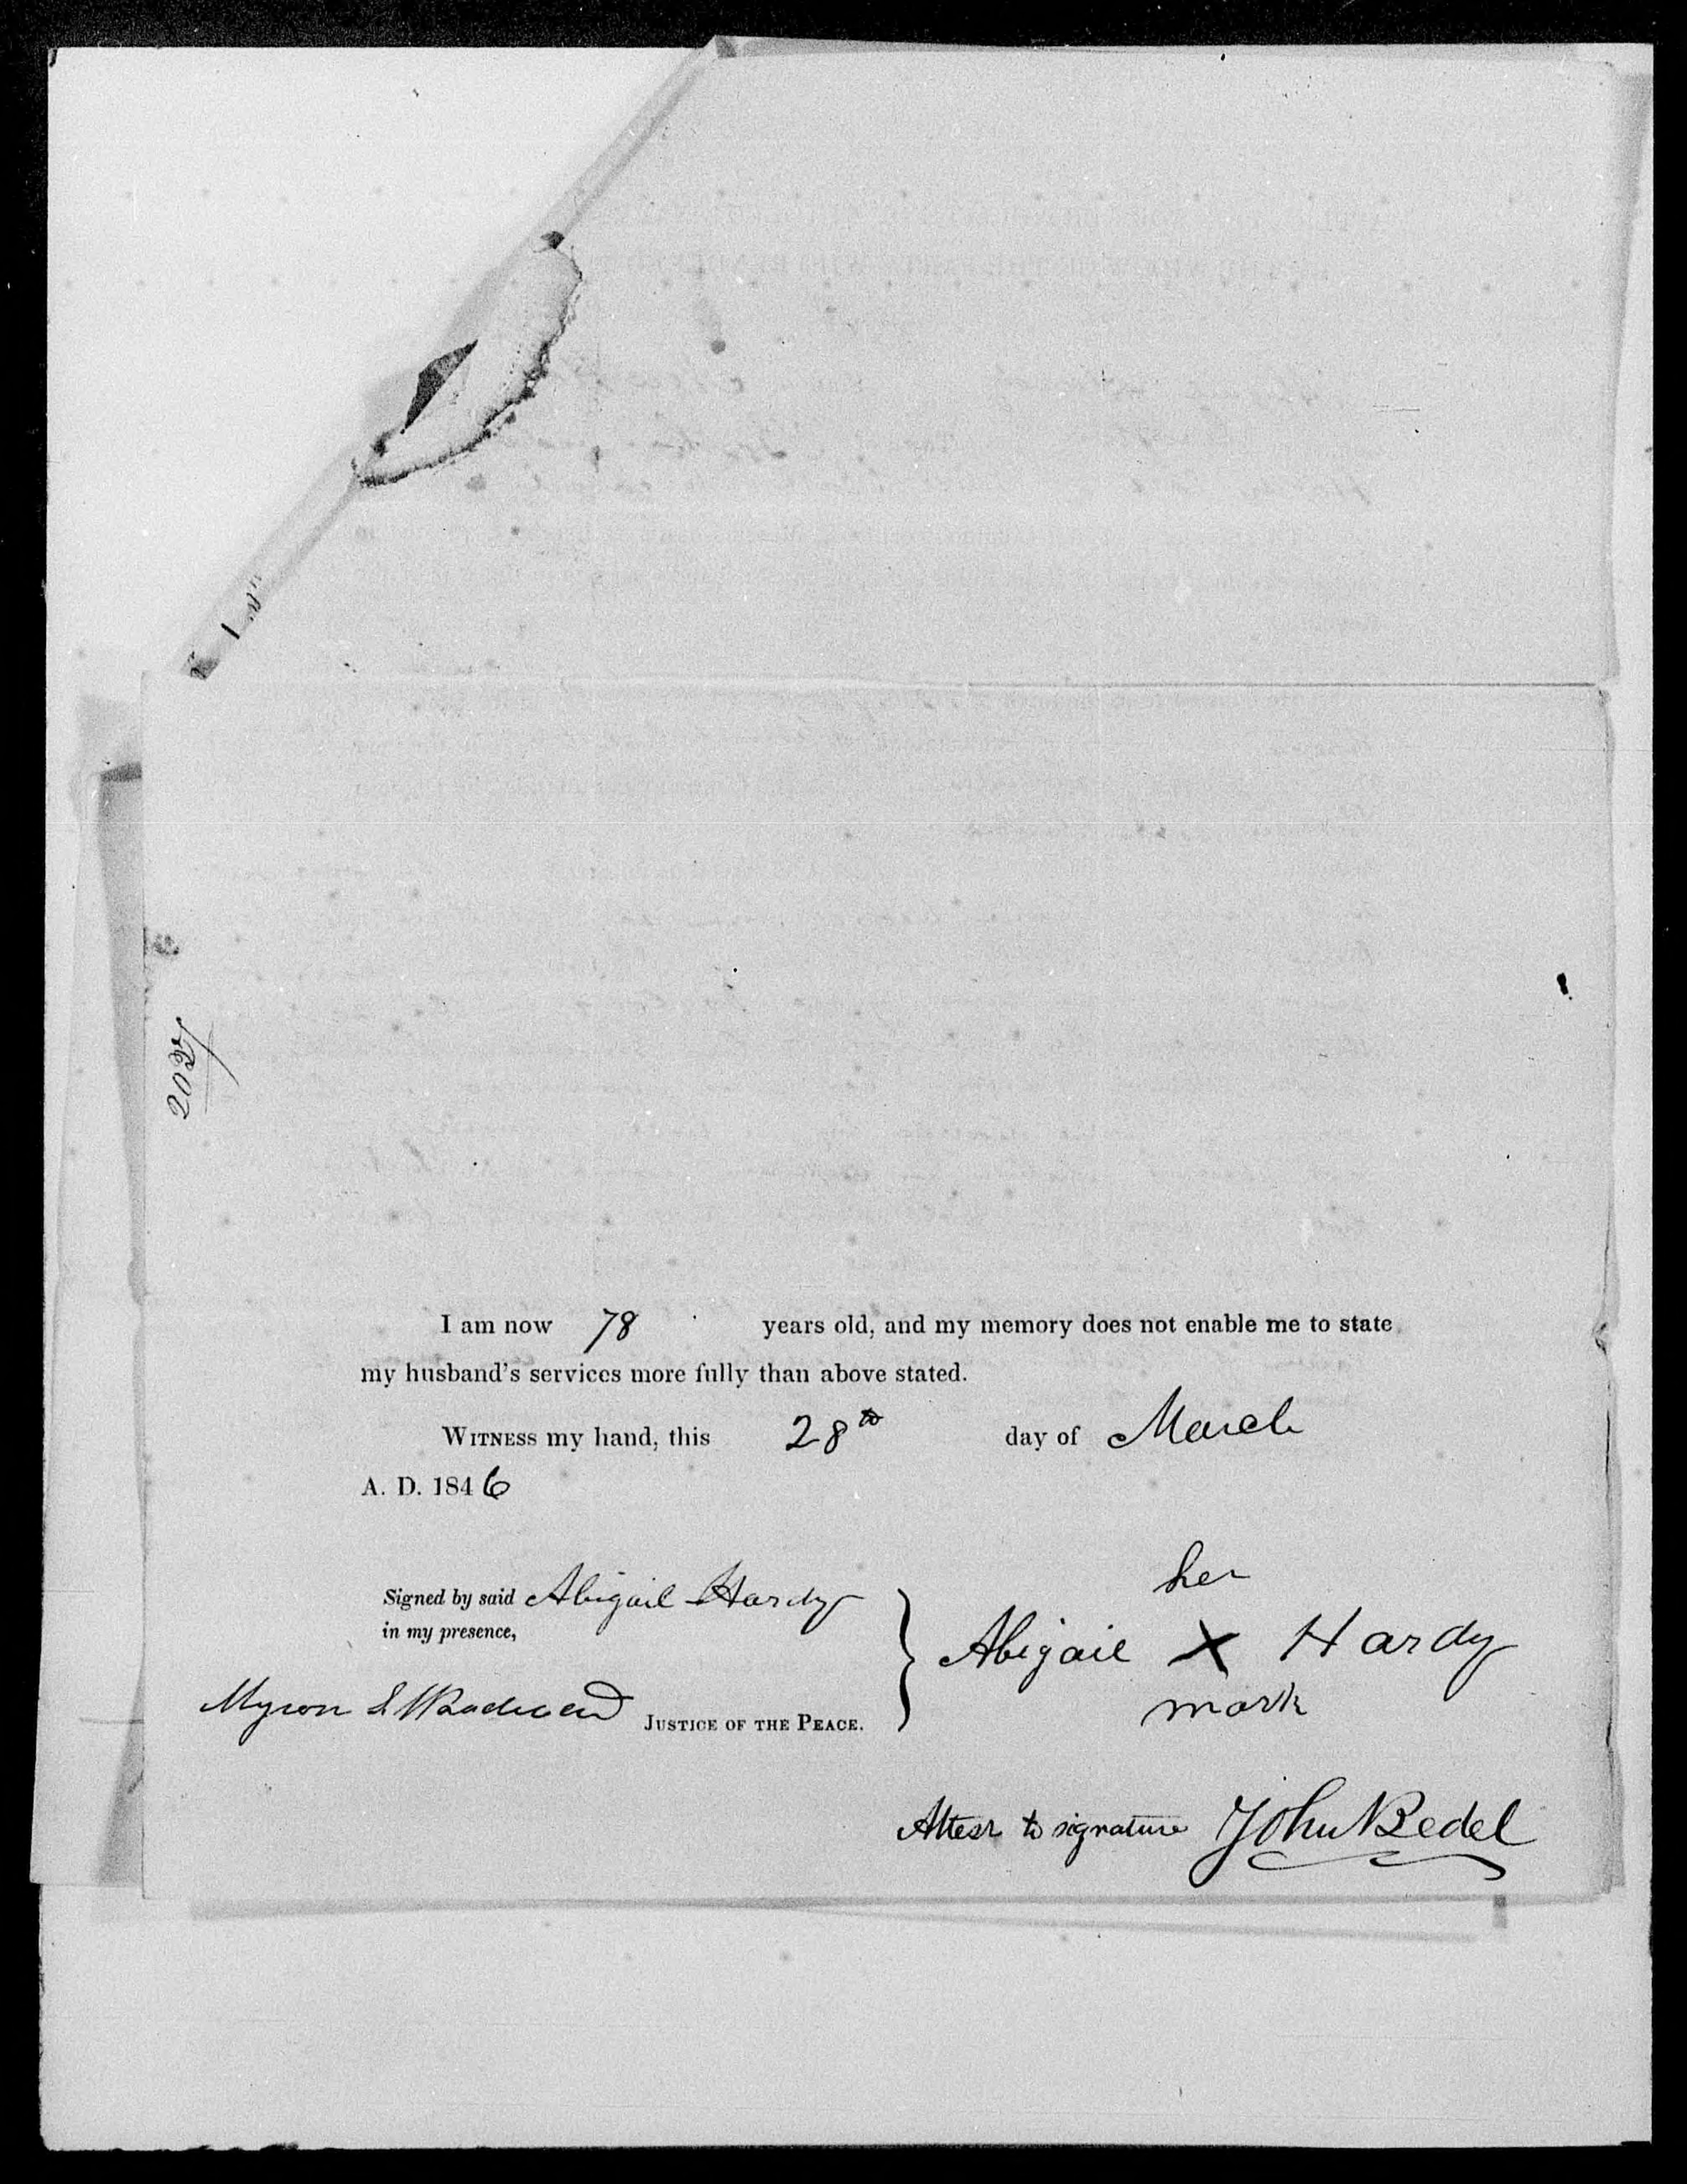I am now 78 years old, and my memory does not enable me to state my husband's services more fully than above stated. WITNESS my hand, this 28th day of March A. D. 1846 Signed by said Abigail Hardy in my presence, Abigail her X mark Hardy
Myron S Woodward JUSTICE OF THE PEACE Attest to signature John Bedell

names: Abigail Hardy, Abigail Hardy, John Bedel, Myron S Woodward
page: 46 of 67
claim: widow's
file: W. 23183, Jesse Hardy, Mass.